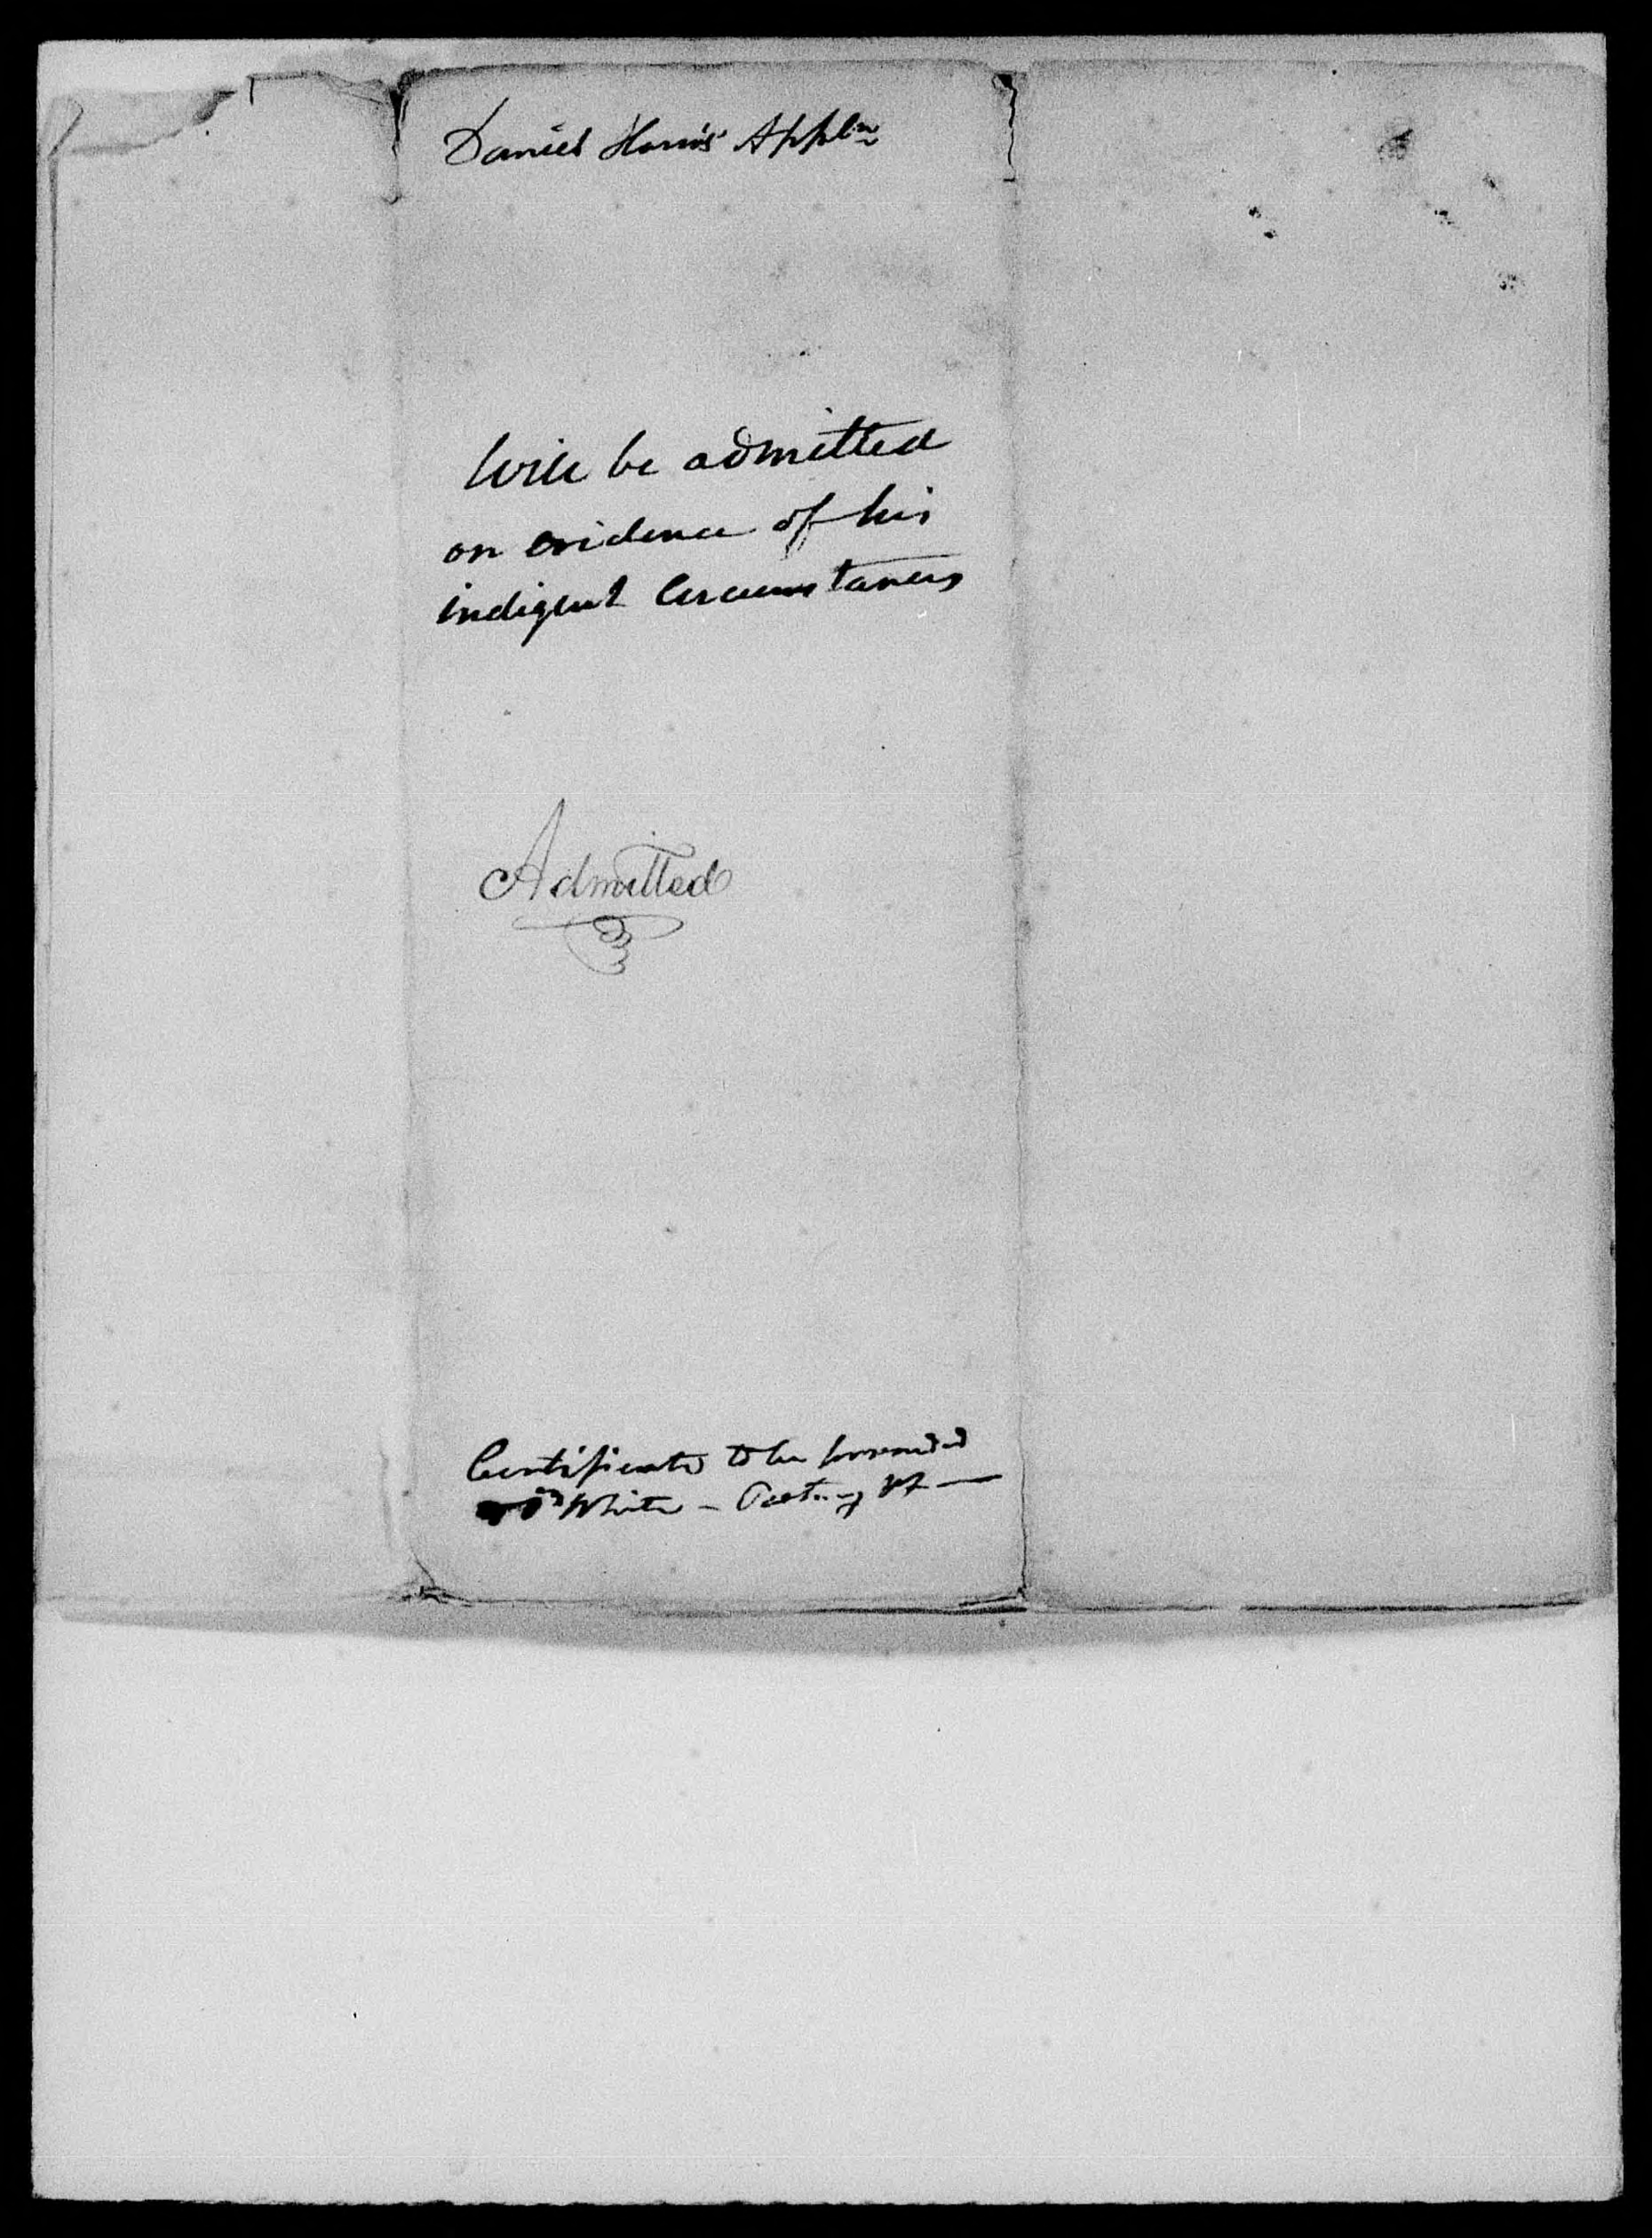Will be admitted on evidence of his indigent circumstances. 

Admitted


Certificate to be forward to Wm White   Putney Vt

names: Daniel Harris, Wm White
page: 33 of 68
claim: survivor's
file: S. 29,877, Daniel Harris, Mass.